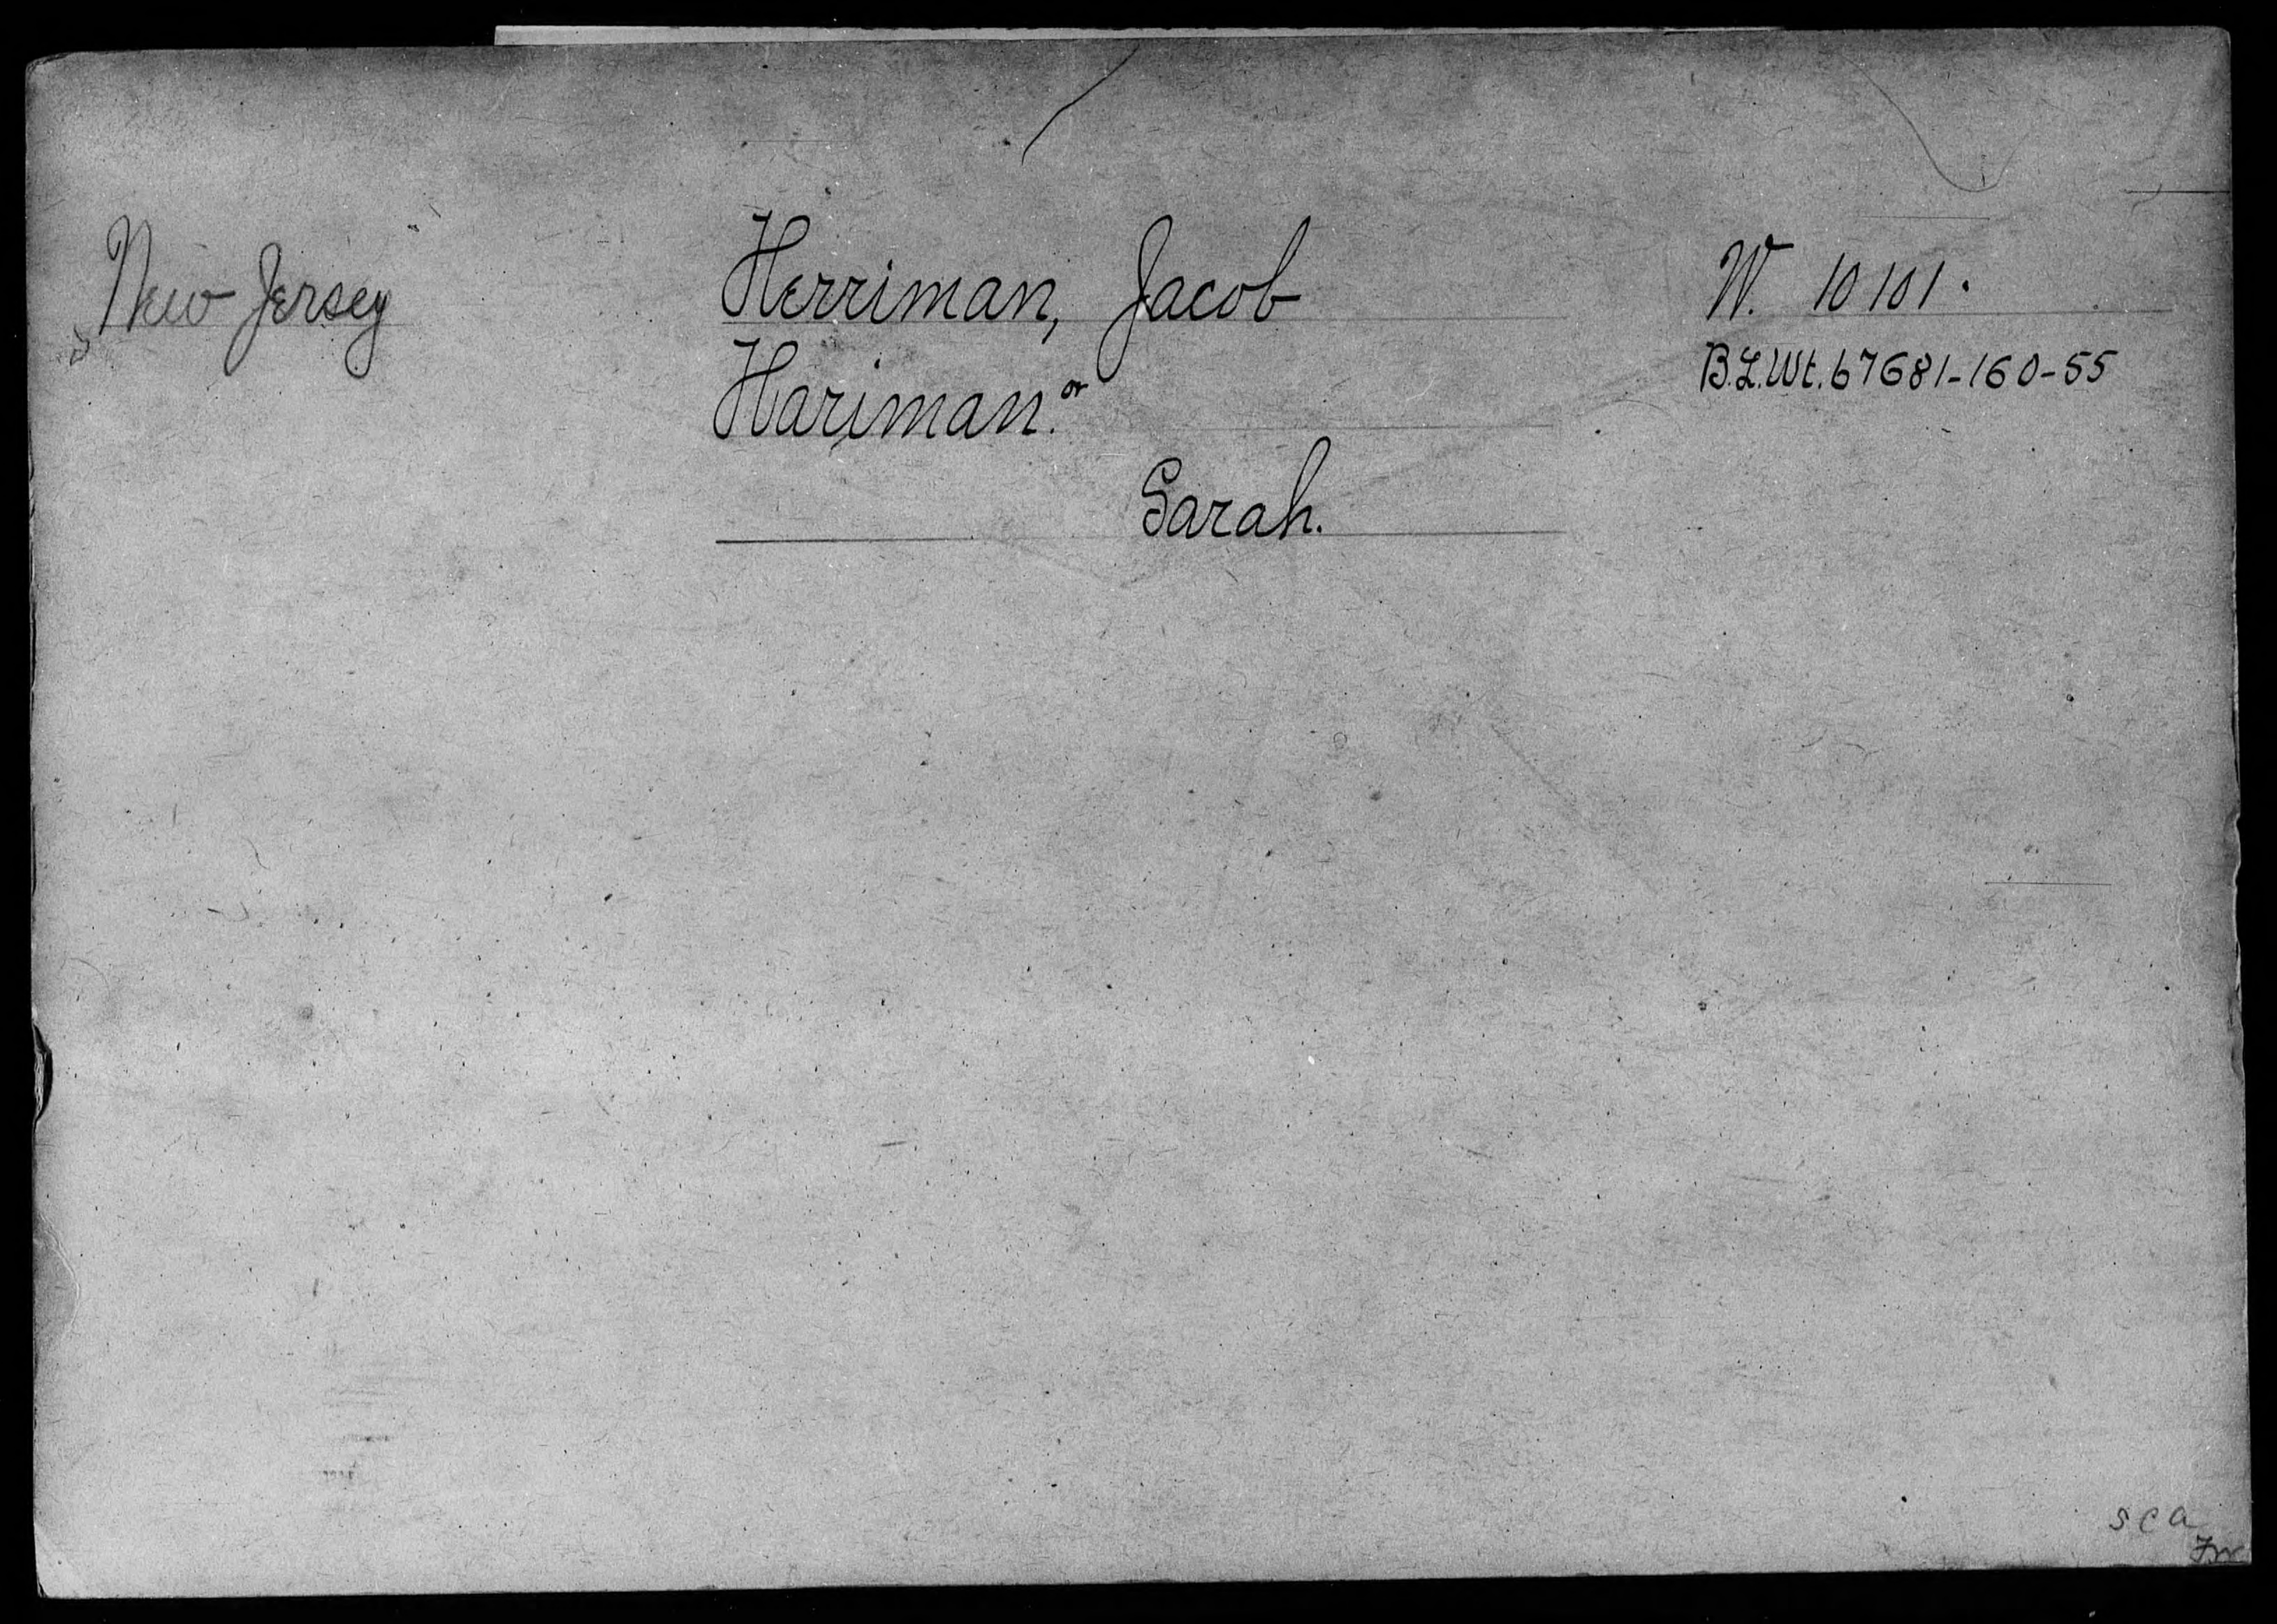New Jersey
Herriman, Jacob or Hariman
Sarah
W. 10101
BLWt. 67671-160-55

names: Jacob Hariman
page: 1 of 1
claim: widow's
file: W. 10101, Jacob Herriman, New Jersey